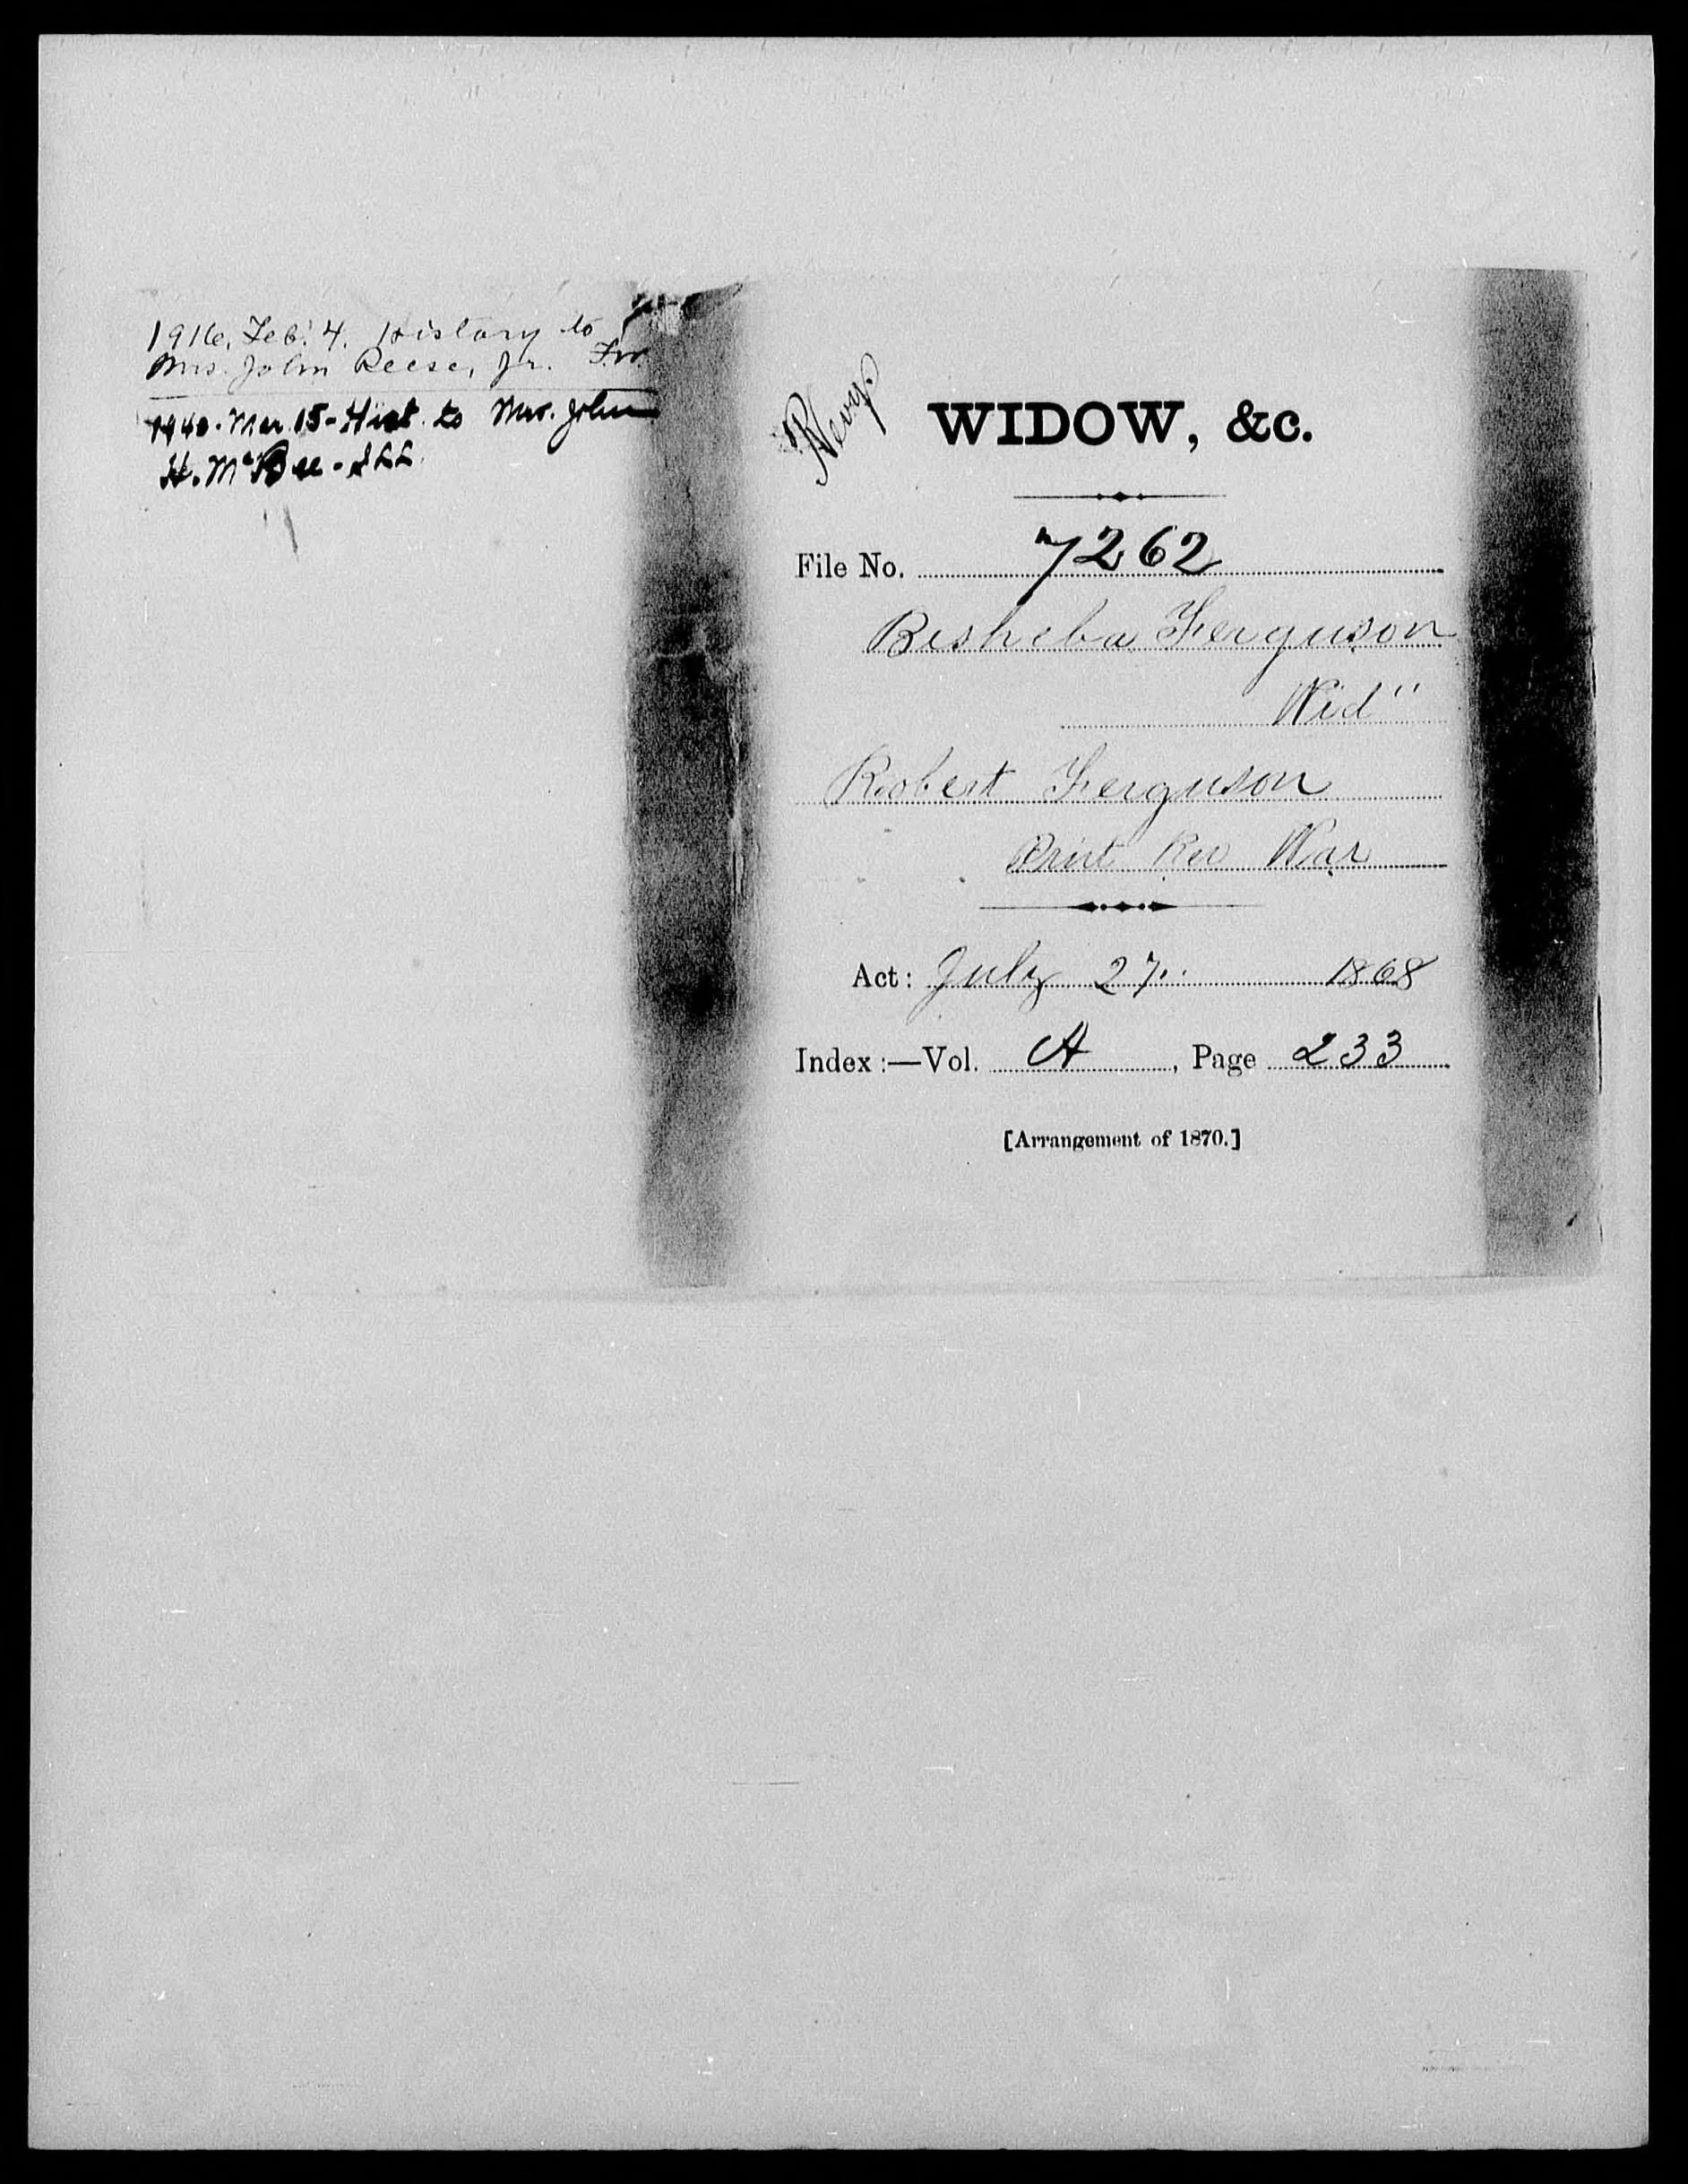1916 Feb 4 [illegible]
Mrs. John Reese Jr Frr
[illegible)

Revy Wido, &c.
File no. 7262
Besheba Ferguson wid
Robert Ferguson Prirt Rev War
act: July 27, 1868
Index: Vol A Page 233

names: Robert Ferguson, John H Mc Bee, Besheba Ferguson, John Reese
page: 23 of 81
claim: widow's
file: W. 7262, Robert Ferguson, Va.